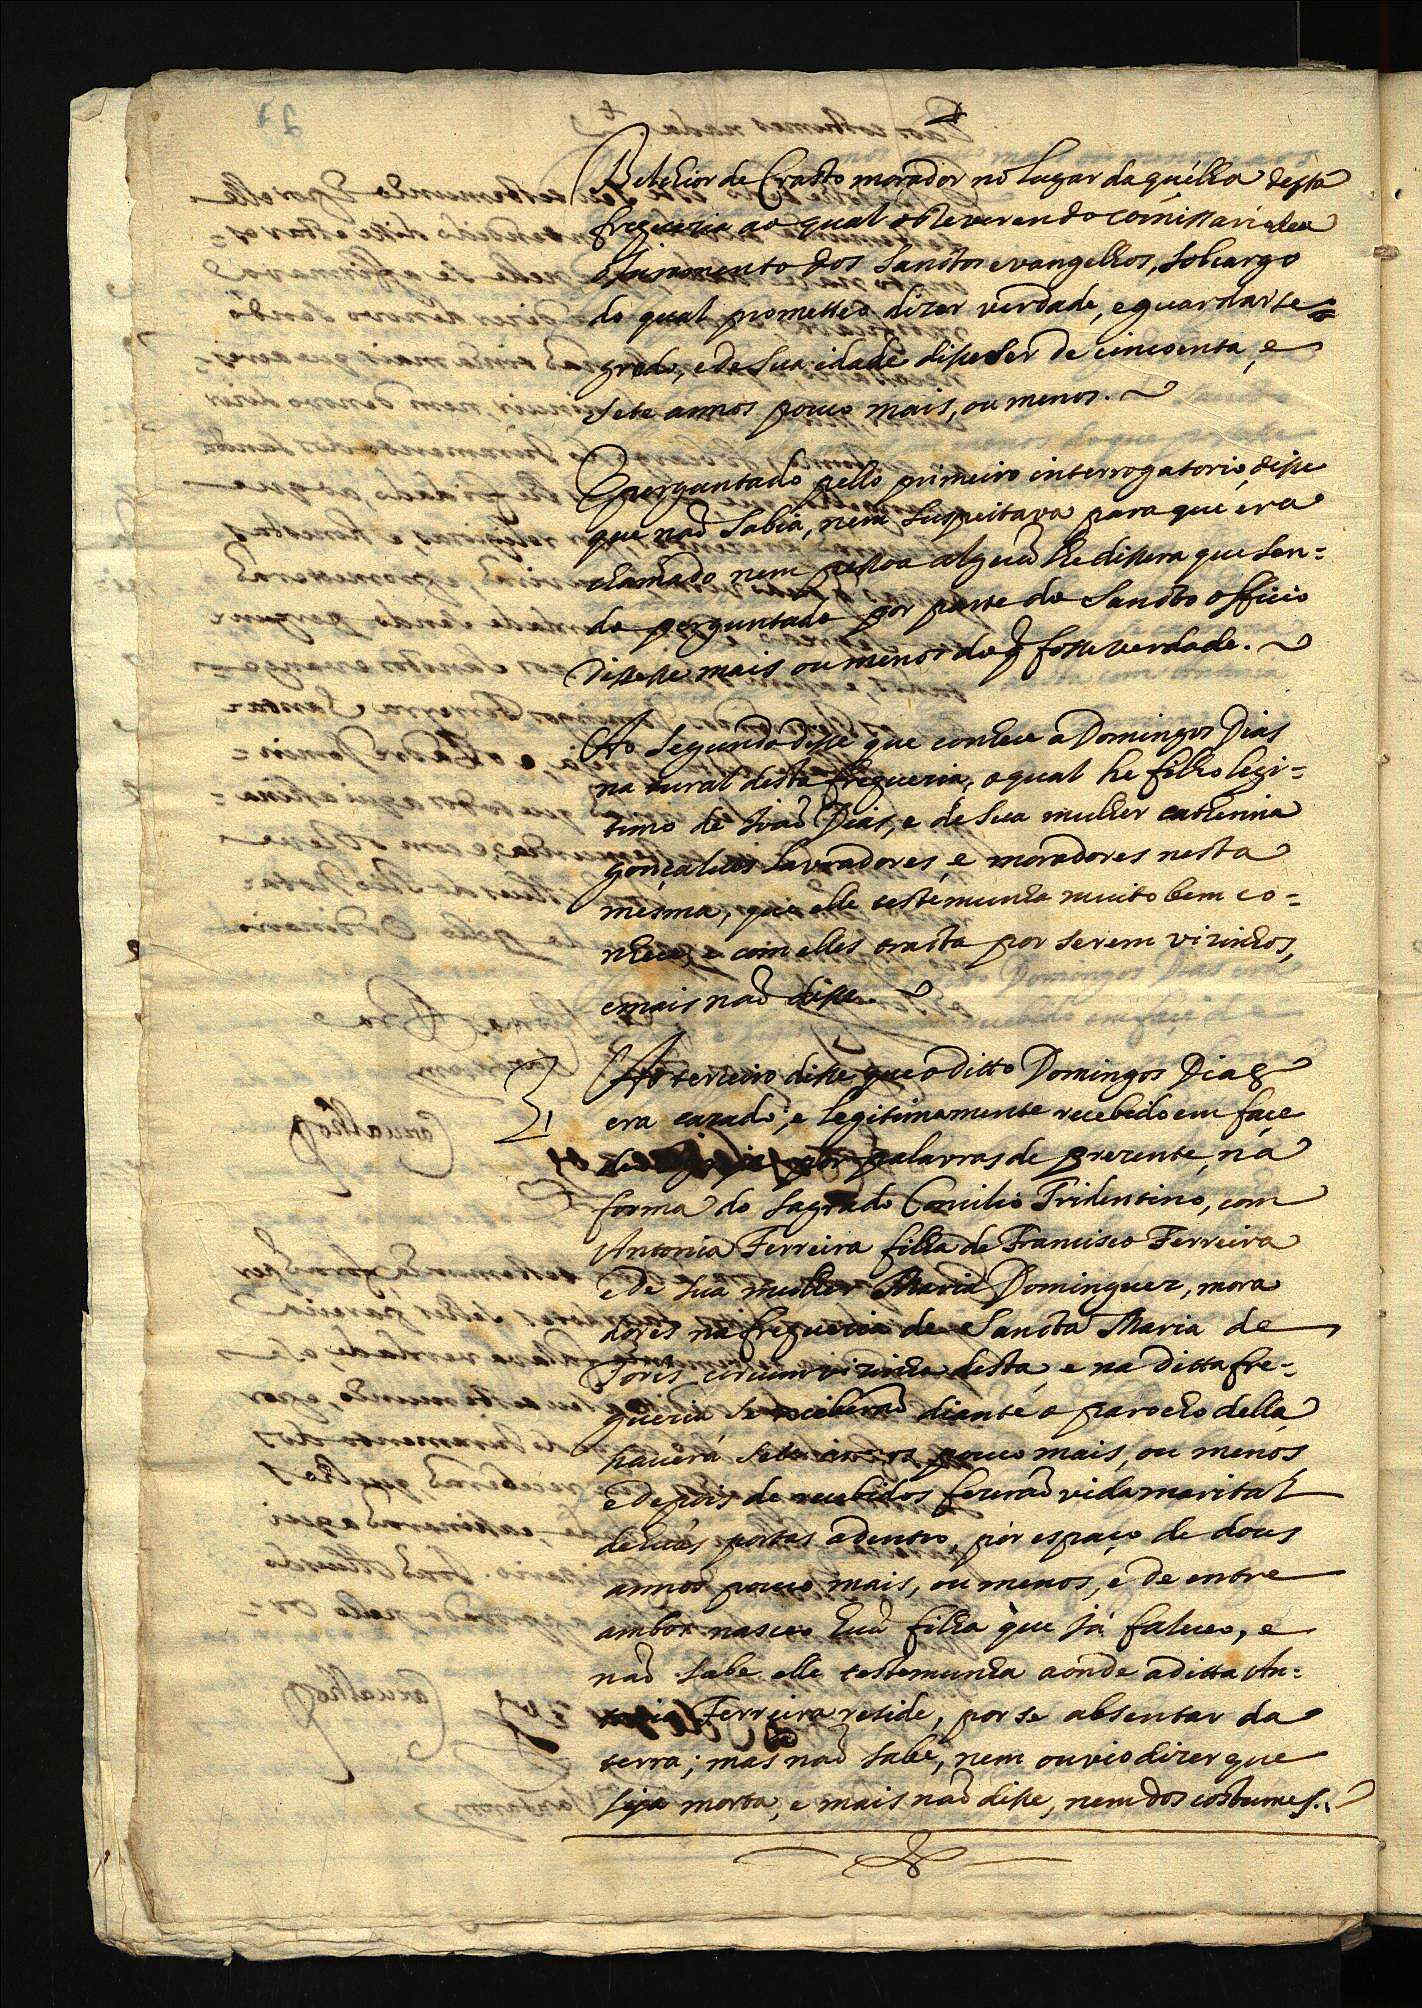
Belchior de Crasto morador no lugar da quilha desta
freguezia ao qual o Reverendo com̄issario deu
o Iuramento dos sanctos evangelhos, sob cargo
do qual prometteo dizer verdade, e guardar se
gredo, e de sua idade disse ser de cincoenta, e
sete annos pouco mais, ou menos. -
E perguntado pello primeiro interrogatorio, disse
que naõ sabia, nem suspeitava para que era
chamado nem pessoa alguā lhe dissera que sen
do perguntado por parte do Sancto officio
dissesse mais ou menos do q̄ fosse verdade. -
Ao segundo disse que conhece a Domingos Dias
natural desta freguezia, o qual he filho legi
timo de Ioaõ Dias, e de sua mulher catherina
gonçalues Lavradores, e moradores nesta
mesma, que elle testemunha muito bem co
nhece, e com elles tracta por serem vizinhos,
e mais naõ disse -
Ao terceiro disse que o ditto Domingos Dias
era cazado, e legitimamente recebido em face
da Igreja e por palavras de prezente, na
forma do sagrado Concilio Tridentino, com
Antonia Ferreira filha de Francisco Ferreira
e de sua mulher Maria Dominguez, mora
dores na freguezia de Sancta Maria de
Torês circumvizinha desta, e na ditta fre
guezia se receberaõ diante o parocho della
hauerá sete annos pouco mais, ou menos,
e depois de recebidos fezeraõ vida marital
de huās portas adentro, por espaço de dous
annos pouco mais, ou menos, e de entre
ambos nasceo huā filha que já faleceo, e
naõ sabe elle testemunha aonde a ditta An
tonia Ferreira reside, por se absentar da
terra; mas naõ sabe, nem ouvio dizer que
seja morta, e mais naõ disse, nem dos costumes.
